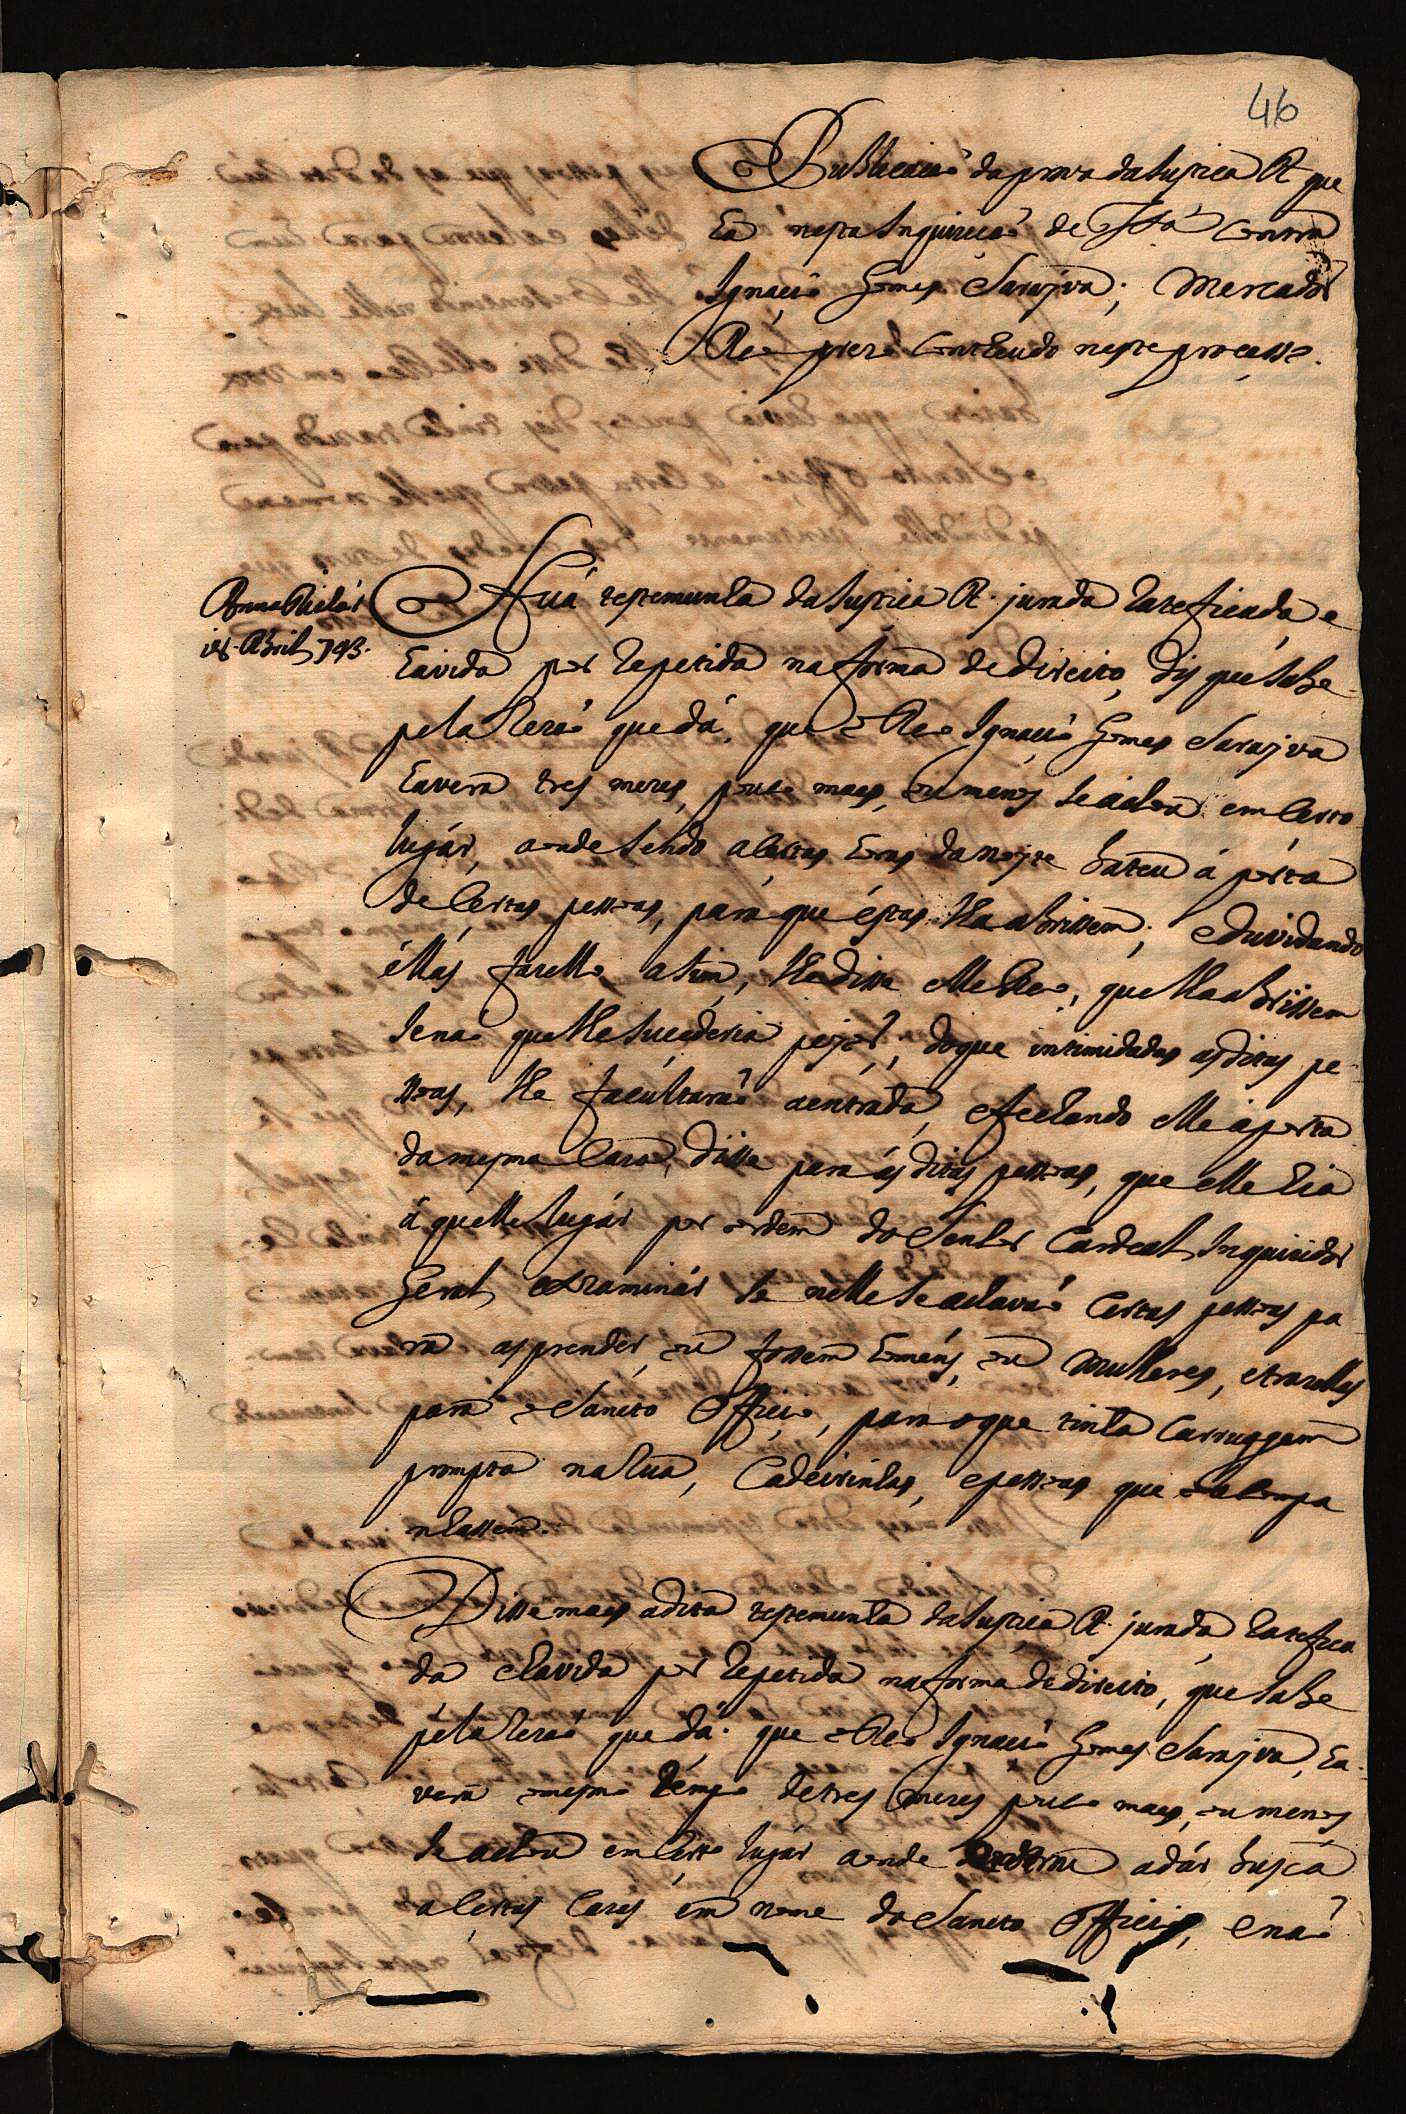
Publicaçaõ da prova da Iustiça A que
ha nesta Inquisiçaõ de Lx.a contra
Ignacio Gomes Sarajva; mercador
Reo prezo contheudo neste processo.
Huā testemunha da Iustiça A. jurada Rateficada, e
Anna Richar
18 Abril 743.
havida por Repetida na forma de direito, dis que sabe
pela Rezaõ que dá que o Reo Ignacio Gomes Sarajva
havera tres mezes, pouco maes, ou menos se achou em certo
lugar, aonde sendo a certas horas da noyte bateu á porta
de Certas pessoas, para que estas lha abrissem; e duvidando
ellas fazello asim, lhe disse elle Reo, que lha abrissem
senaõ que lhe sucederia pejor; do que intimidadas as ditas pe
ssoas, lhe facultaraõ a entrada, e fechando elle a porta
da mesma Caza, disse para as ditas pessoas, que elle hia
áquelle lugar por ordem do Senhor Cardeal Inquizidor
Geral exzaminar se nelle se achavaõ certas pessoas pa
ra as prender, ou fossem homens, ou mulheres, e trazellas
para o Sancto Officio, para o que tinha carruagem
prompta na Rua, Cadeirinhas, e pessoas que o acompa
nhassem.
Disse mais a dita testemunha da Iustiça A jurada, Ratefica
da e havida por Repetida na forma de direito, que sabe
pela Rezaõ que dá: que o Reo Ignacio Gomes Sarajva, ha
verá o mesmo tempo de tres mezes pouco mais, ou menos,
se achou em certo lugar aonde ordenou a dar busca
a certas cazas em nome do Sancto Officio, e naõ
